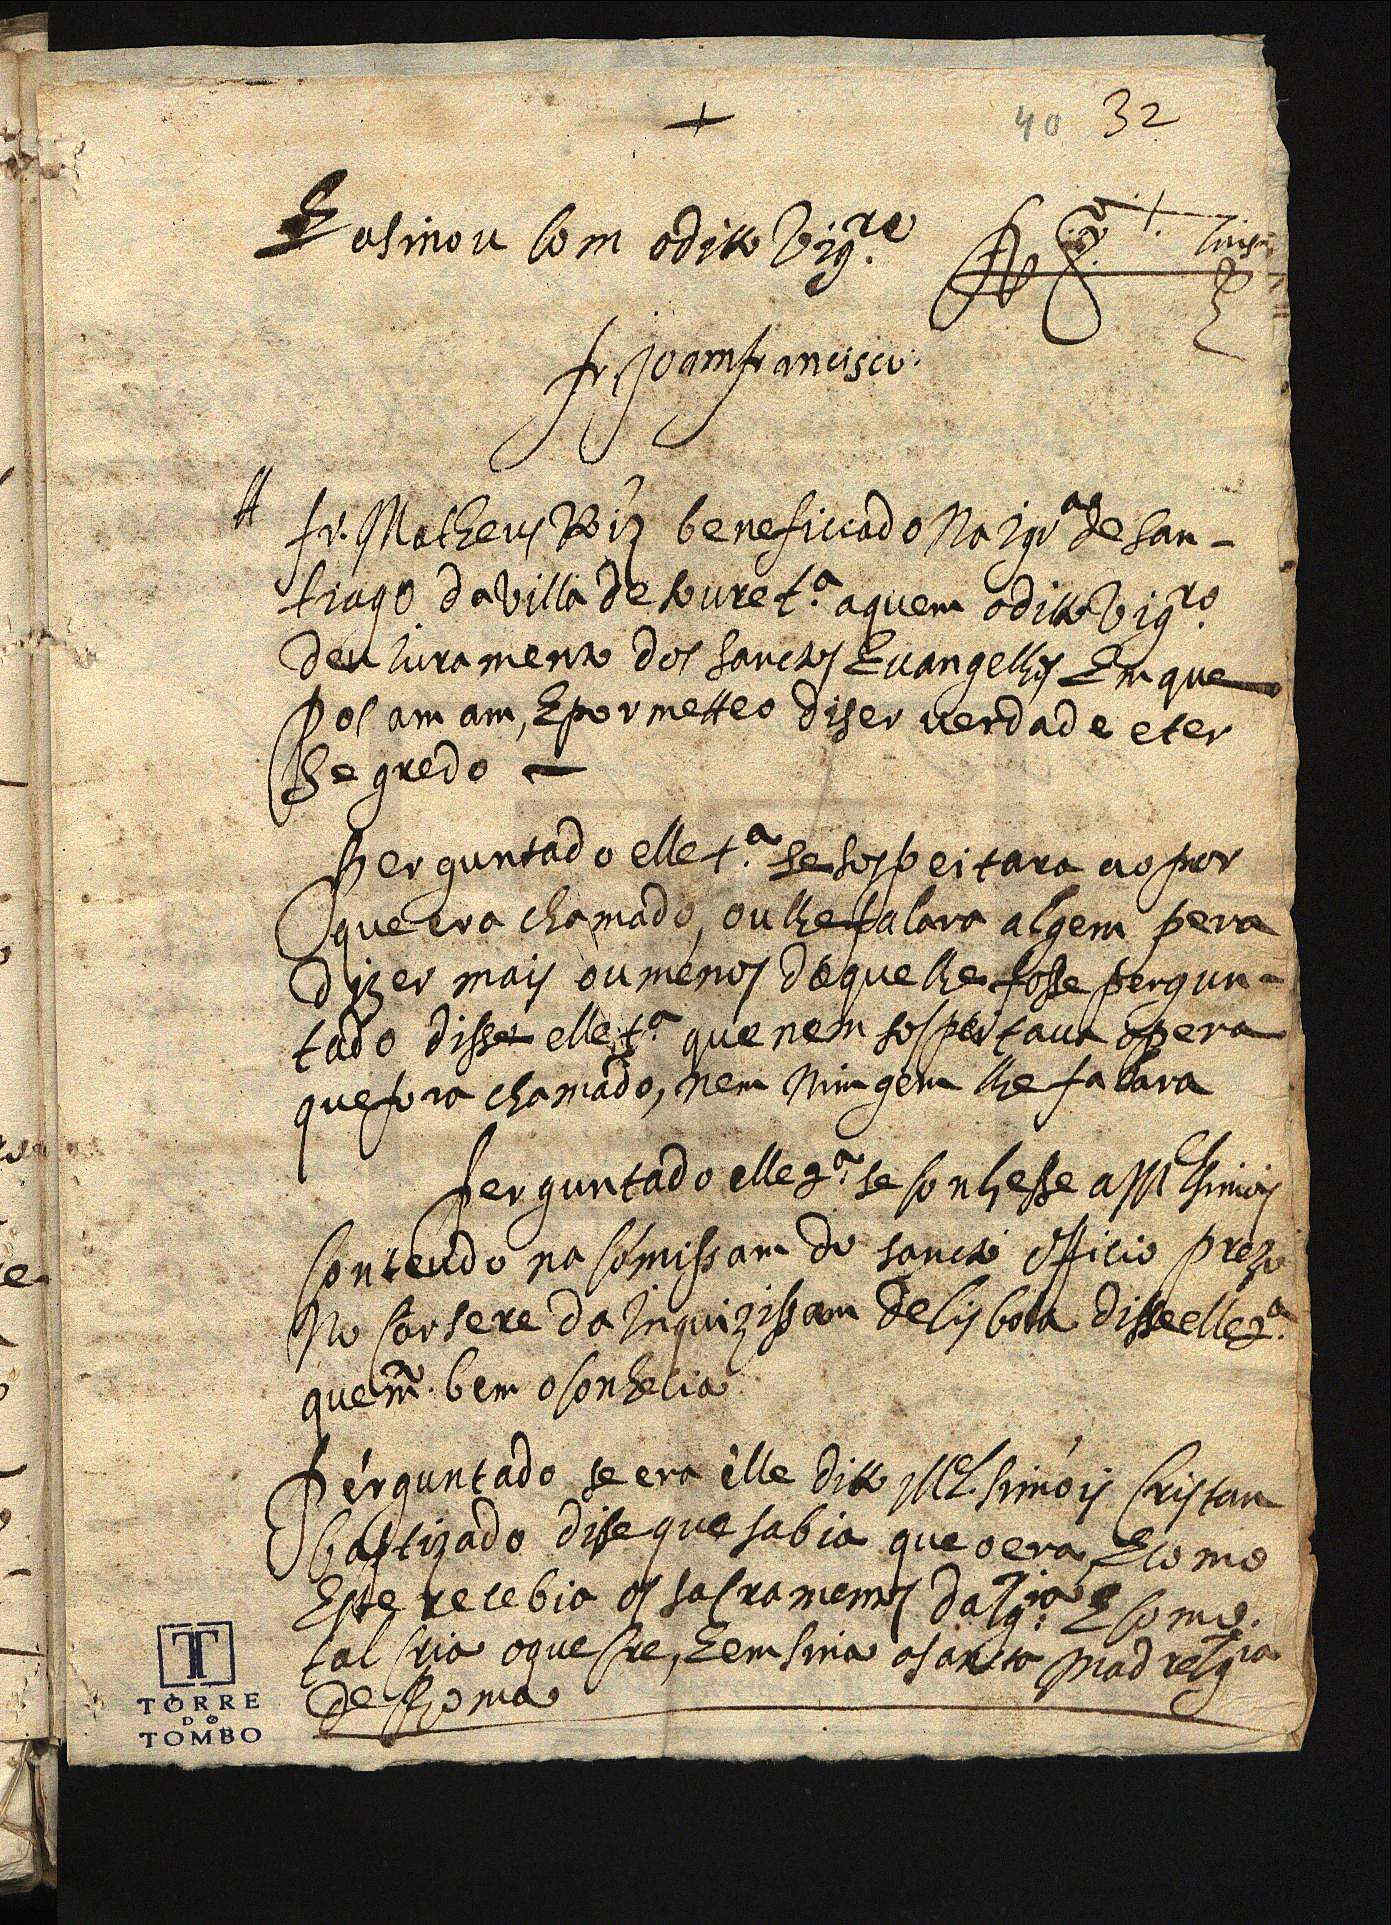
E asinou com o ditto Vig.ro
item fr. Matheus Roiz̄ beneficiado na igra de san
tiago da villa de soure t.a a quem o ditto vigro.
deu Iuramento dos sanctos Euangelhos Em que
pos a mam, E pormetteo diser uerdade e ter
segredo -
perguntado elle t.a se sospeitara ao por
que era chamado, ou lhe falara algem pera
dizer mais ou menos do que lhe fosse pergun
tado disse elle t.a que nem sospeitaua o pera
que fora chamado, nem nimgem lhe falara
perguntado elle t.a se Conhesse a Mel simois
Conteudo na Com̄issam do sancto officio prezo
no Carsere da Inquizissam de lisboa disse elle t.a
que m.to bem o Conhecia
perguntado se era elle ditto Mel. simois Cristan
baptizado disse que sabia que o era, E como
Este recebia os saCramentos da Igra. E Como
tal Cria o que Cre, E emsina a sancta madre Igia
de Roma
